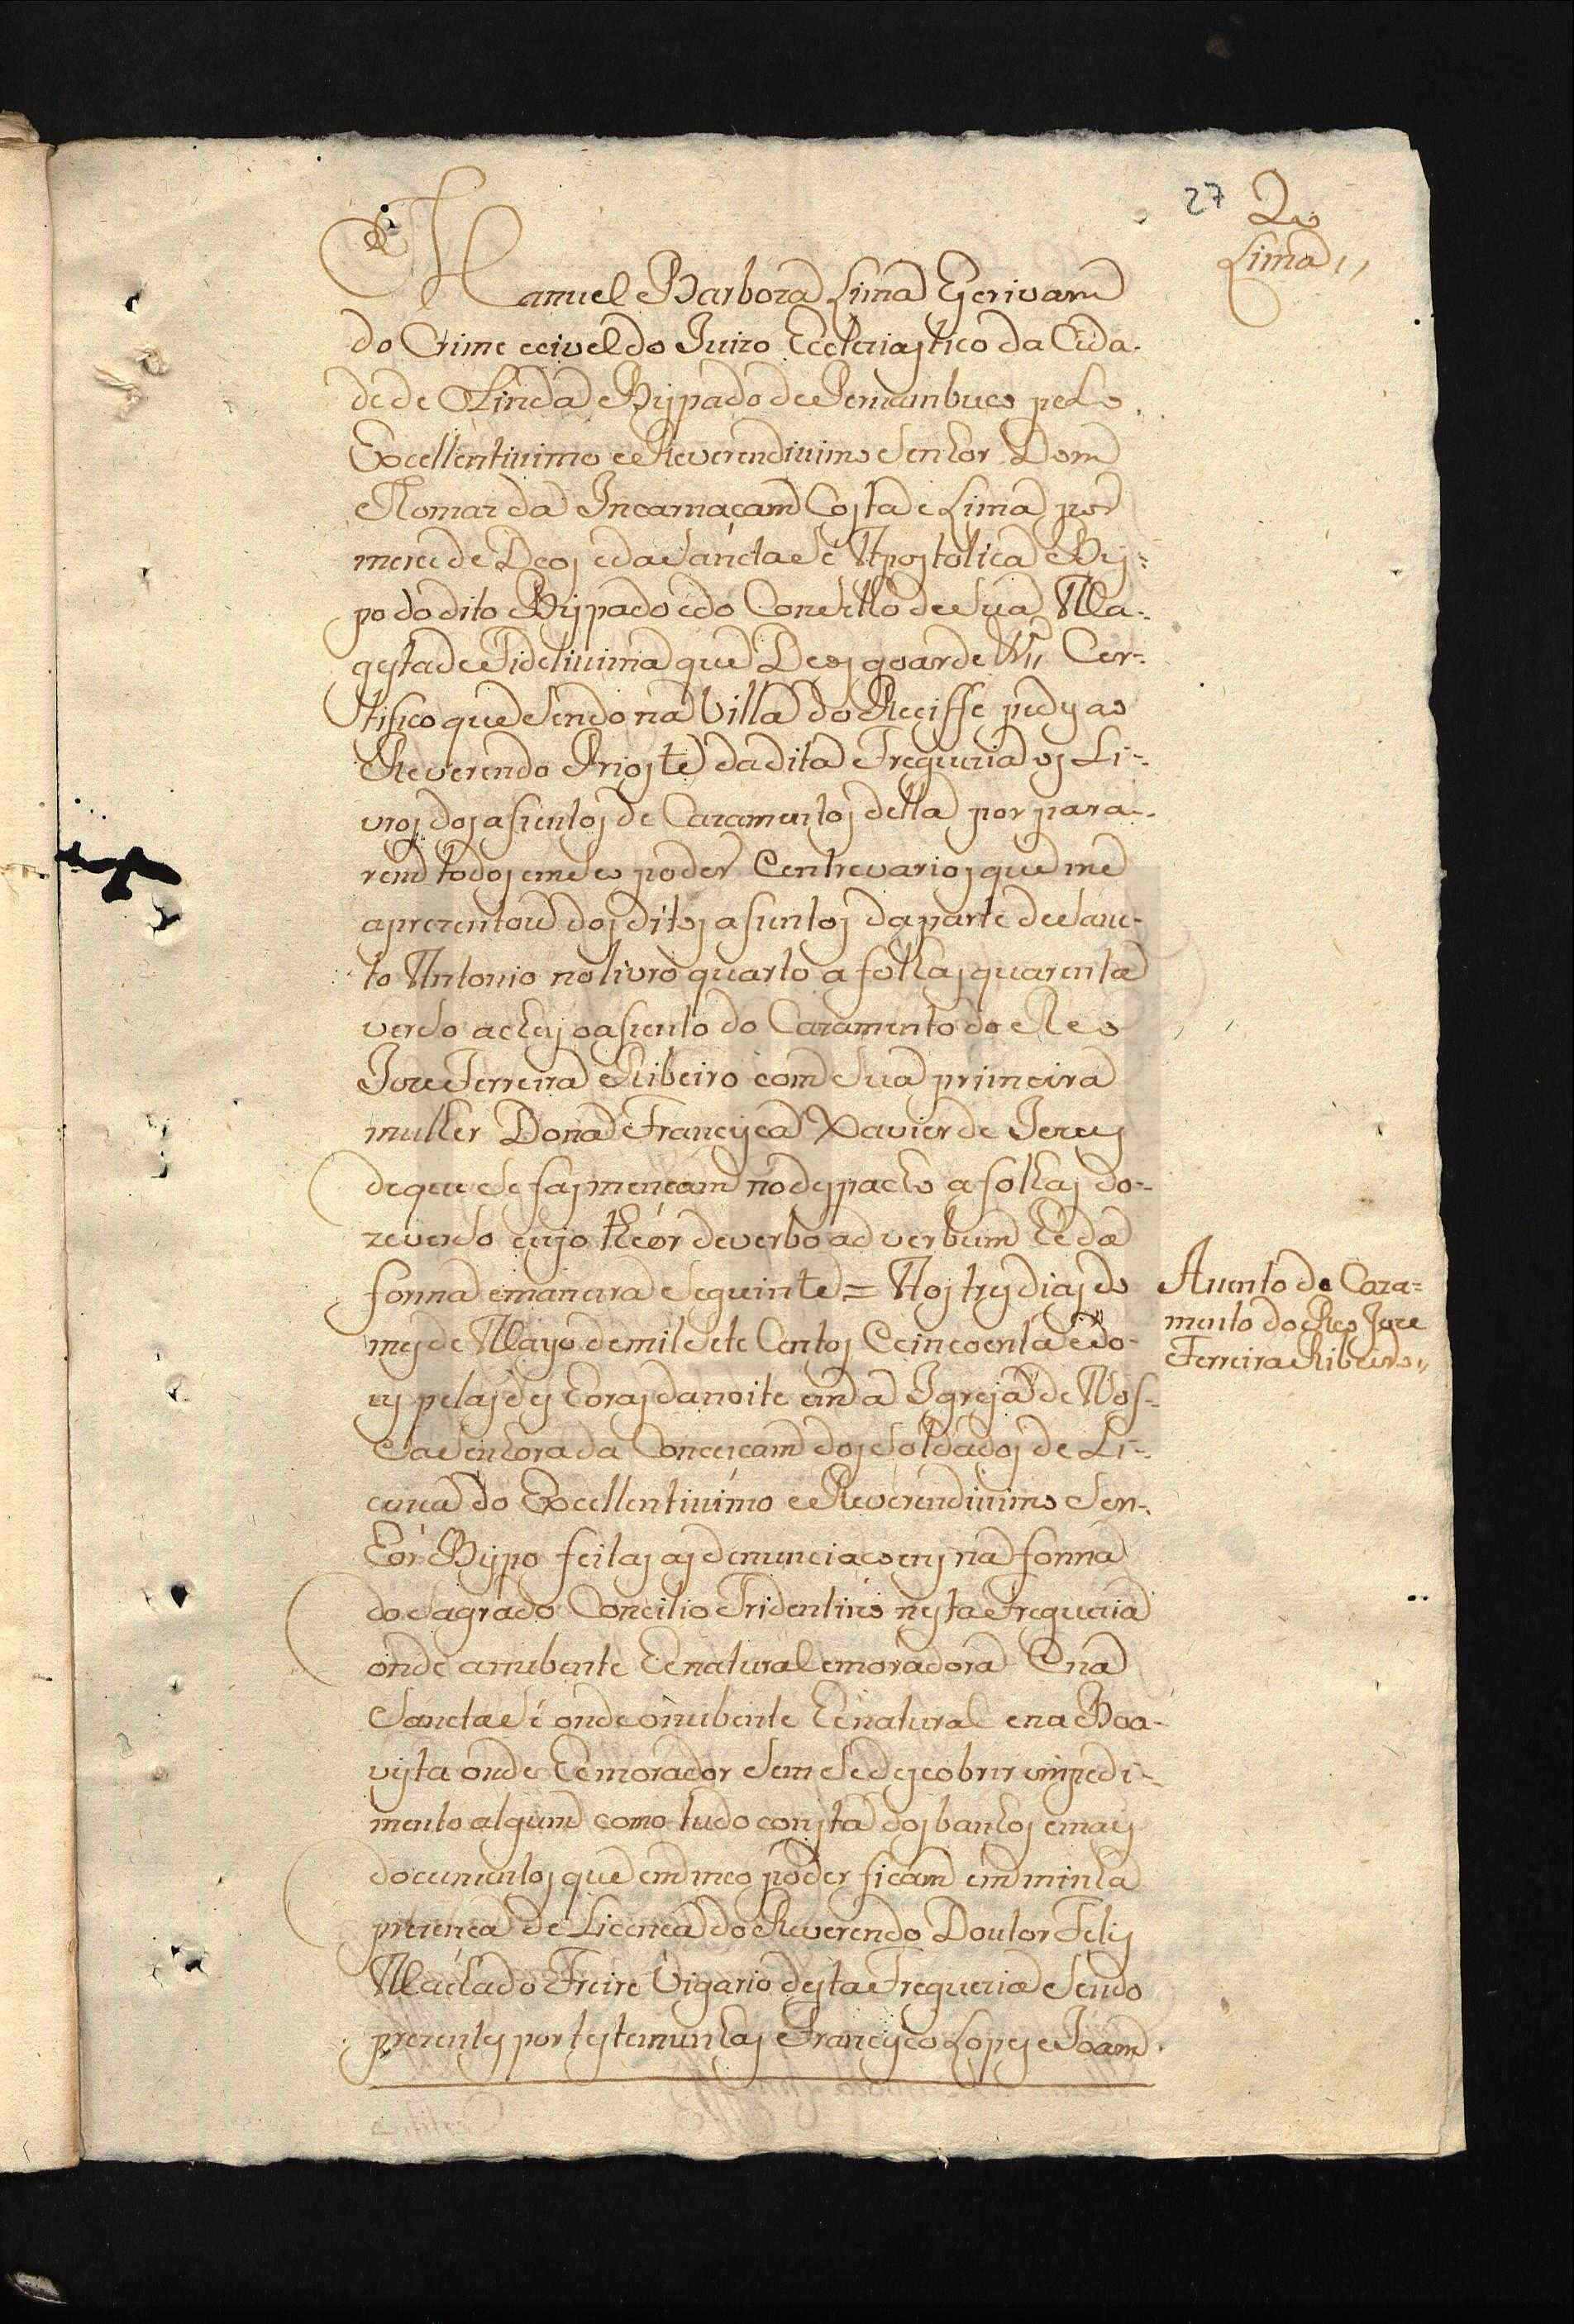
Manuel Barboza Lima Escrivam
do Crime e civel do Iuizo Eccleziastico da Cida
de de oLinda, e Bispado de Pernambuco peLo
Excellentissimo e Reverendissimo Senhor Dom
Thomaz da Incarnaçam Costa e Lima por
merce de Deos e da Sancta Sé Apostolica Bis
po do dito Bispado e do Conselho de Sua Ma
gestade Fidelissima que Deos guarde &ra// Cer
tifico que sendo na Villa do Reciffe pedy ao
Reverendo Prioste da dita Freguezia os Li
vros dos assentos de Cazamentos della por para
rem todos em seo poder e entre varios que me
aprezentou dos ditos asuntos da parte de Sam
to Antonio no livro quarto a folhas quarenta
verso achey o assento do Cazamento do Reo
Ioze Ferreira Ribeiro com sua primeira
mulher Dona Francisca Xavier de Iezus
de que se faz mençam no despacho a folhas do
ze verso cujo Theor de verbo ad verbum he da
forma e maneira seguinte= Aos tres dias do
mes de Mayo de mil SeteCentos e cincoenta e do
us pelas des horas da noite em a Igreja de Nos
sa Senhora da Conceiçam dos Soldados de Li
cença do Excellentissimo e Reverendissimo Sen
hor Bispo feitas as denunciaçoens na forma
do Sagrado Concilio Tridentino nesta Freguezia
onde a nubente he natural e moradora e na
Sancta Sé onde o nubente he natural e na Boa
vista onde he morador Sem se descobrir impedi
mento algum como tudo consta dos banhos e mais
documentos que em meo poder ficam em minha
prezença de Licença do Reverendo Doutor Felis
Machado Freire Vigario desta Freguezia Sendo
prezentes por testemunhas Francisco Lopes e Joam
2a
Lima//
Assento do Caza
mento do Reo Joze
Ferreira Ribeiro
